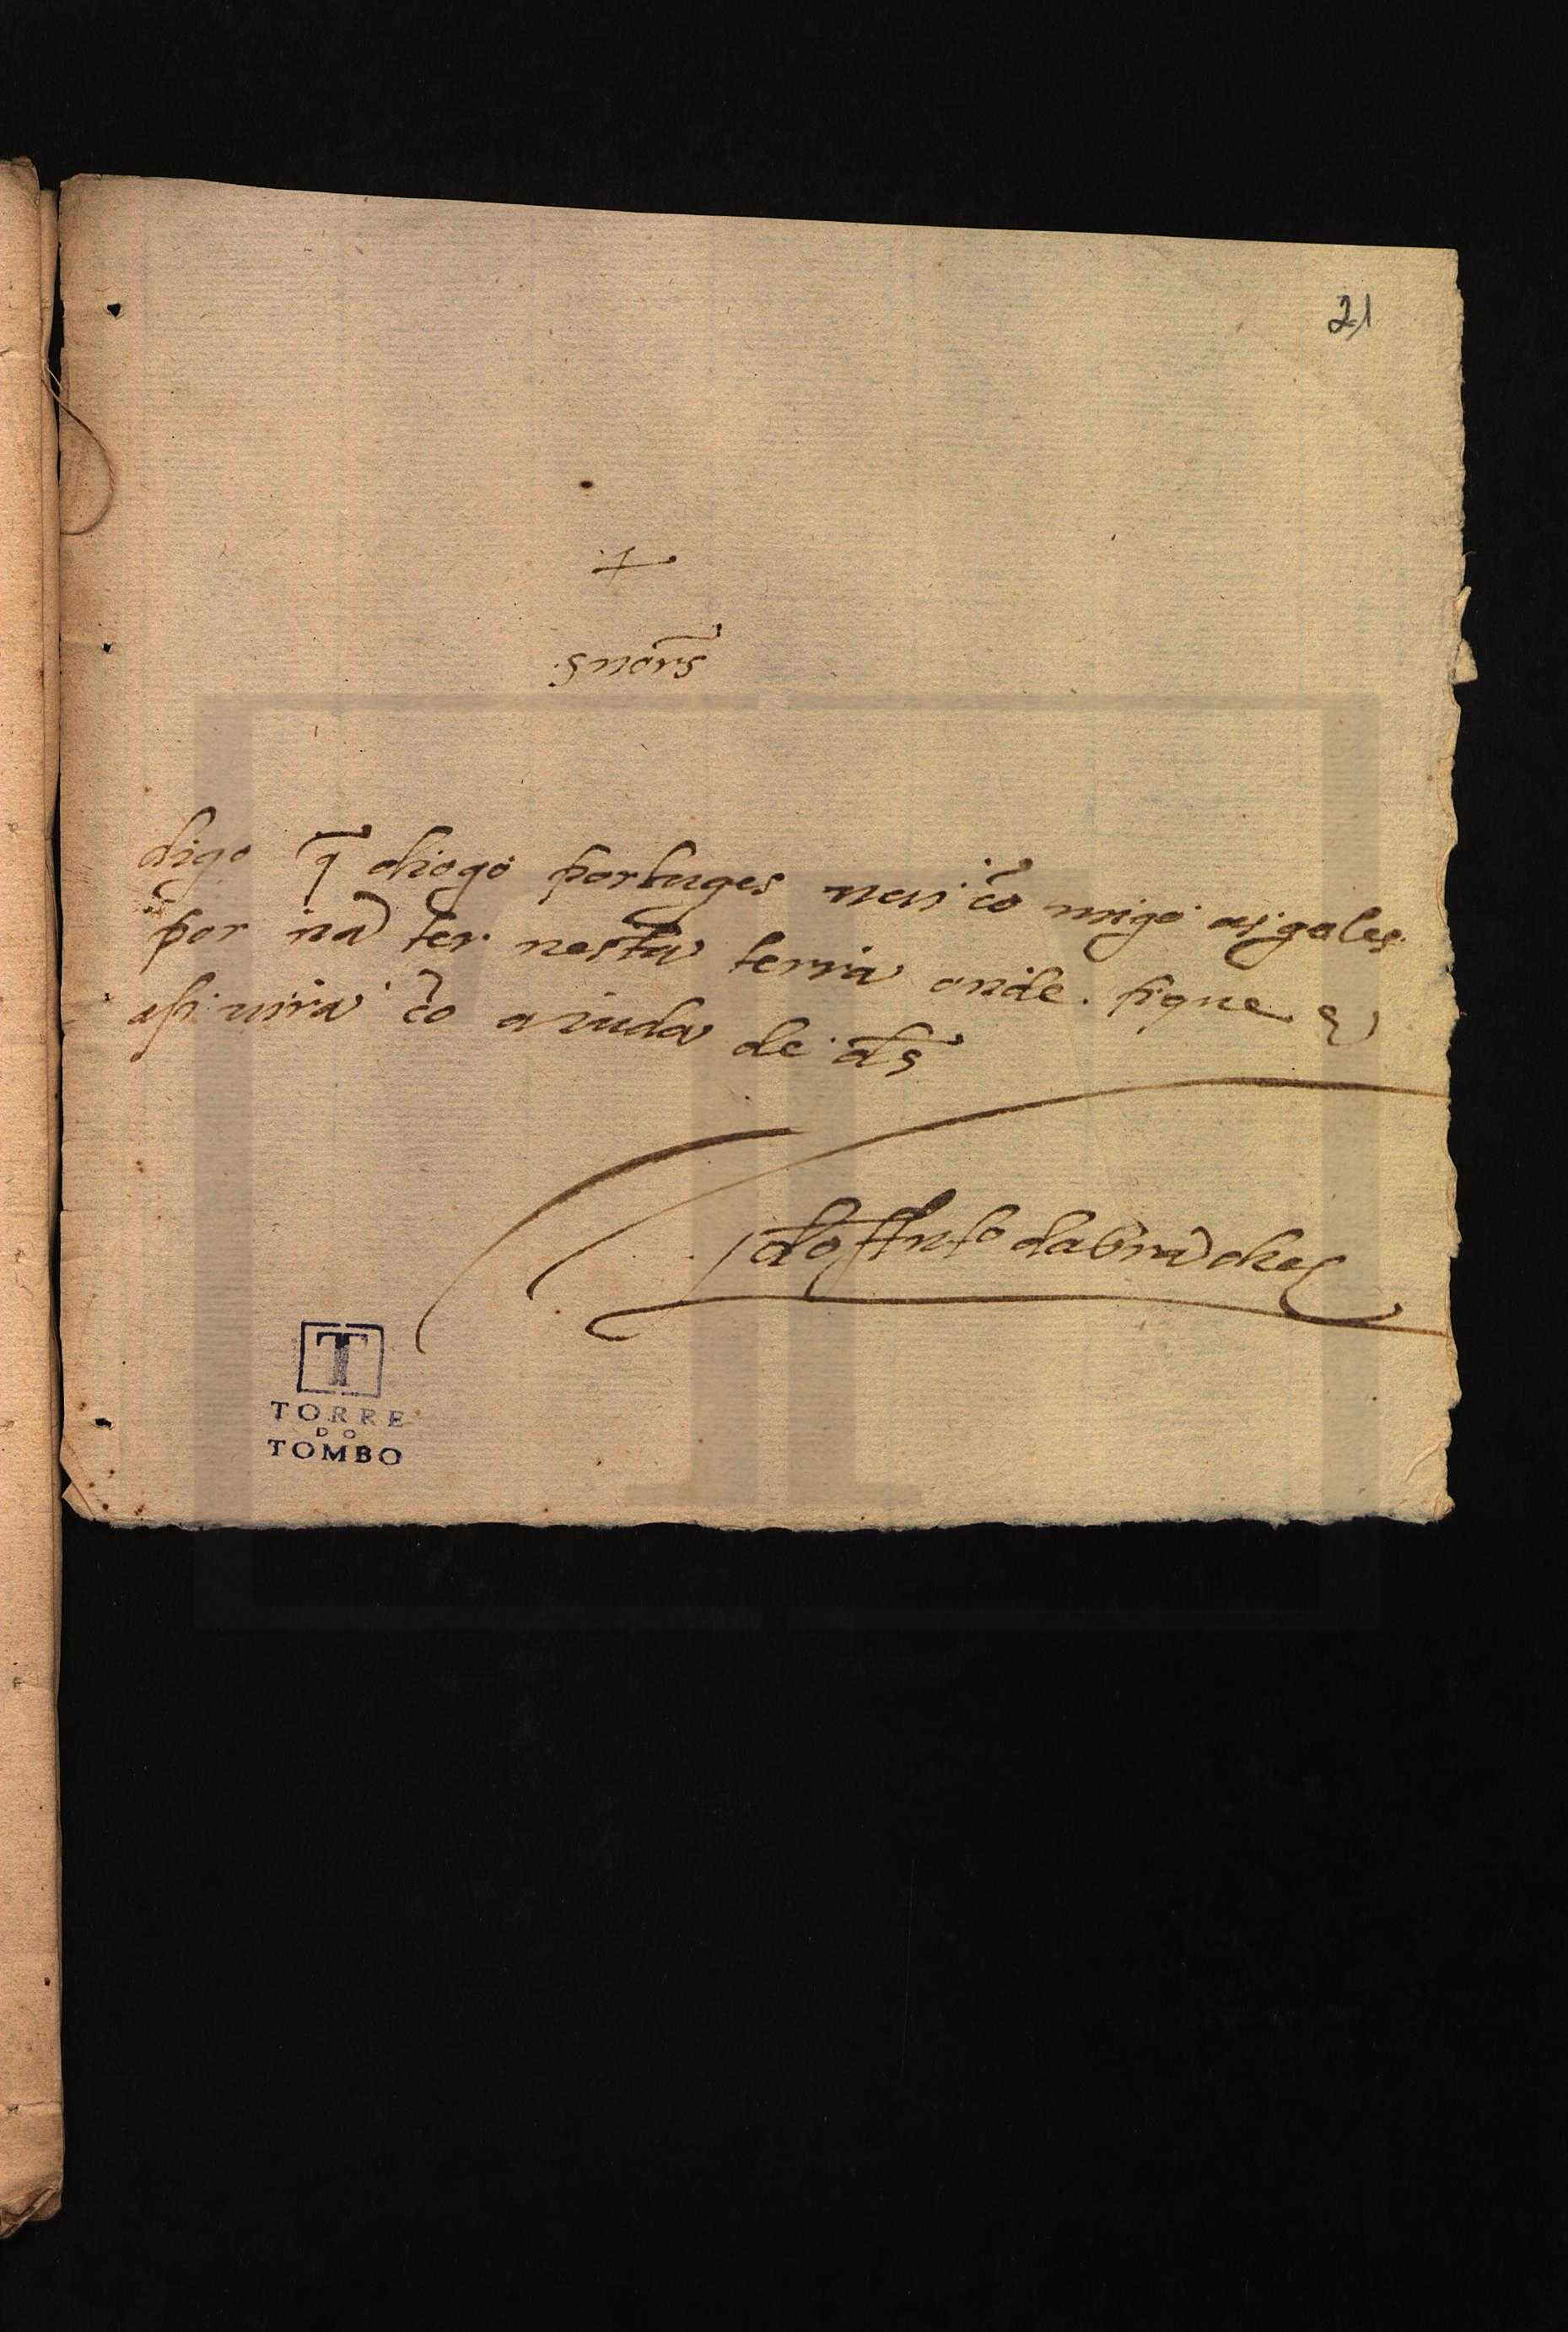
snōrs
digo q̄ diogo portuges uai cōmigo as gales
por nā ter nesta terra onde fique E
asi uira c̄o aiuda de d̄s
dō Anto dabrāches
